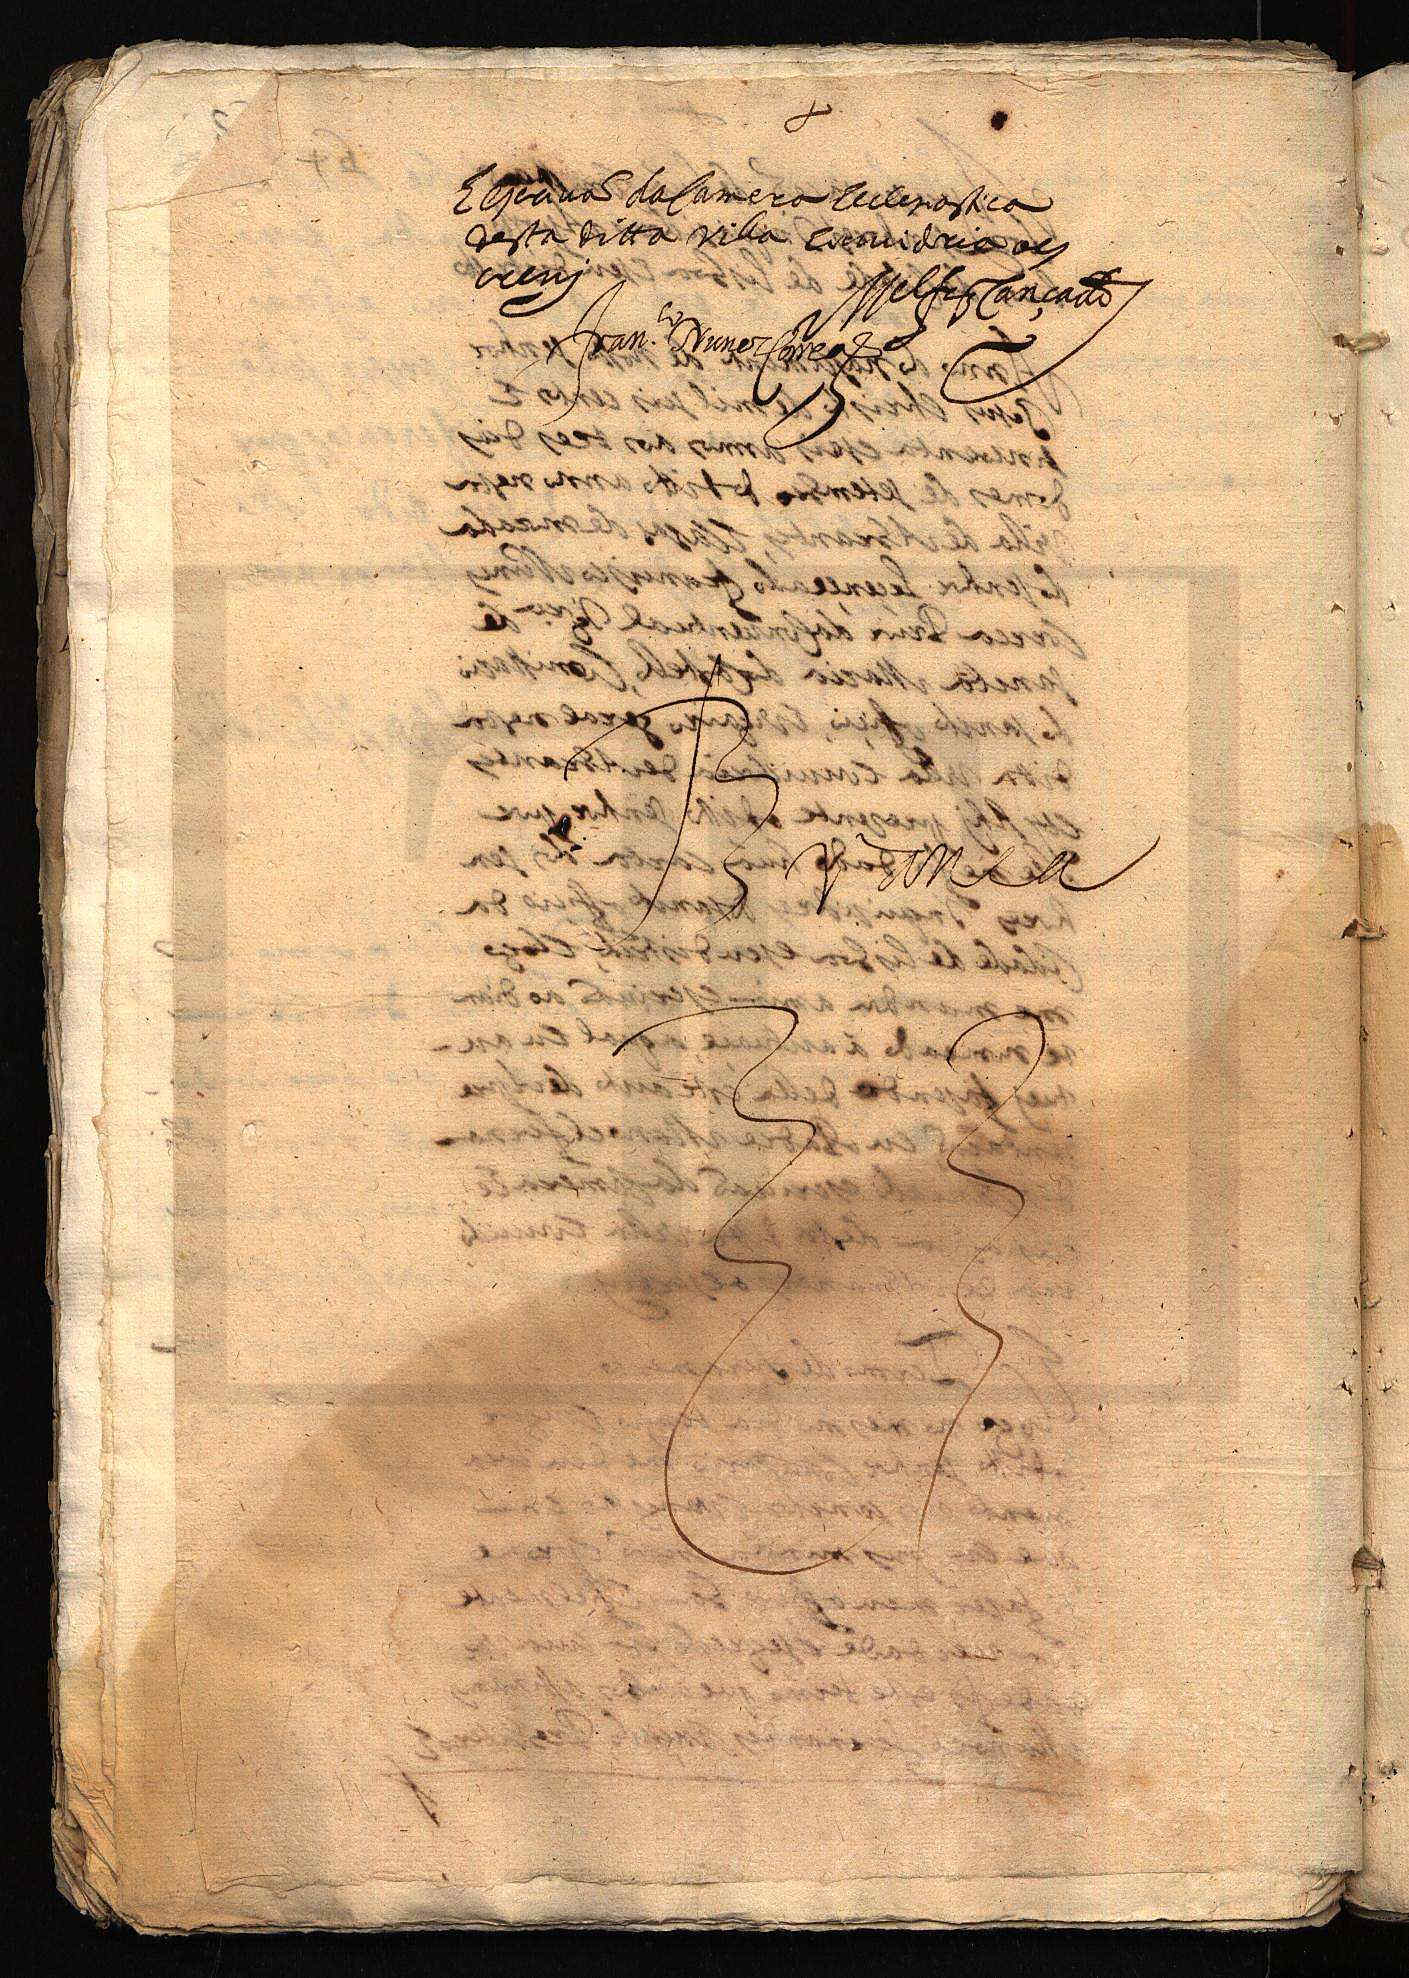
E escriuaõ da Camera Ecclesiastica
desta ditta villa E ouuidoria o es
creuj
Mel frz̄ Cançado
Fran.co Nunez Correa
